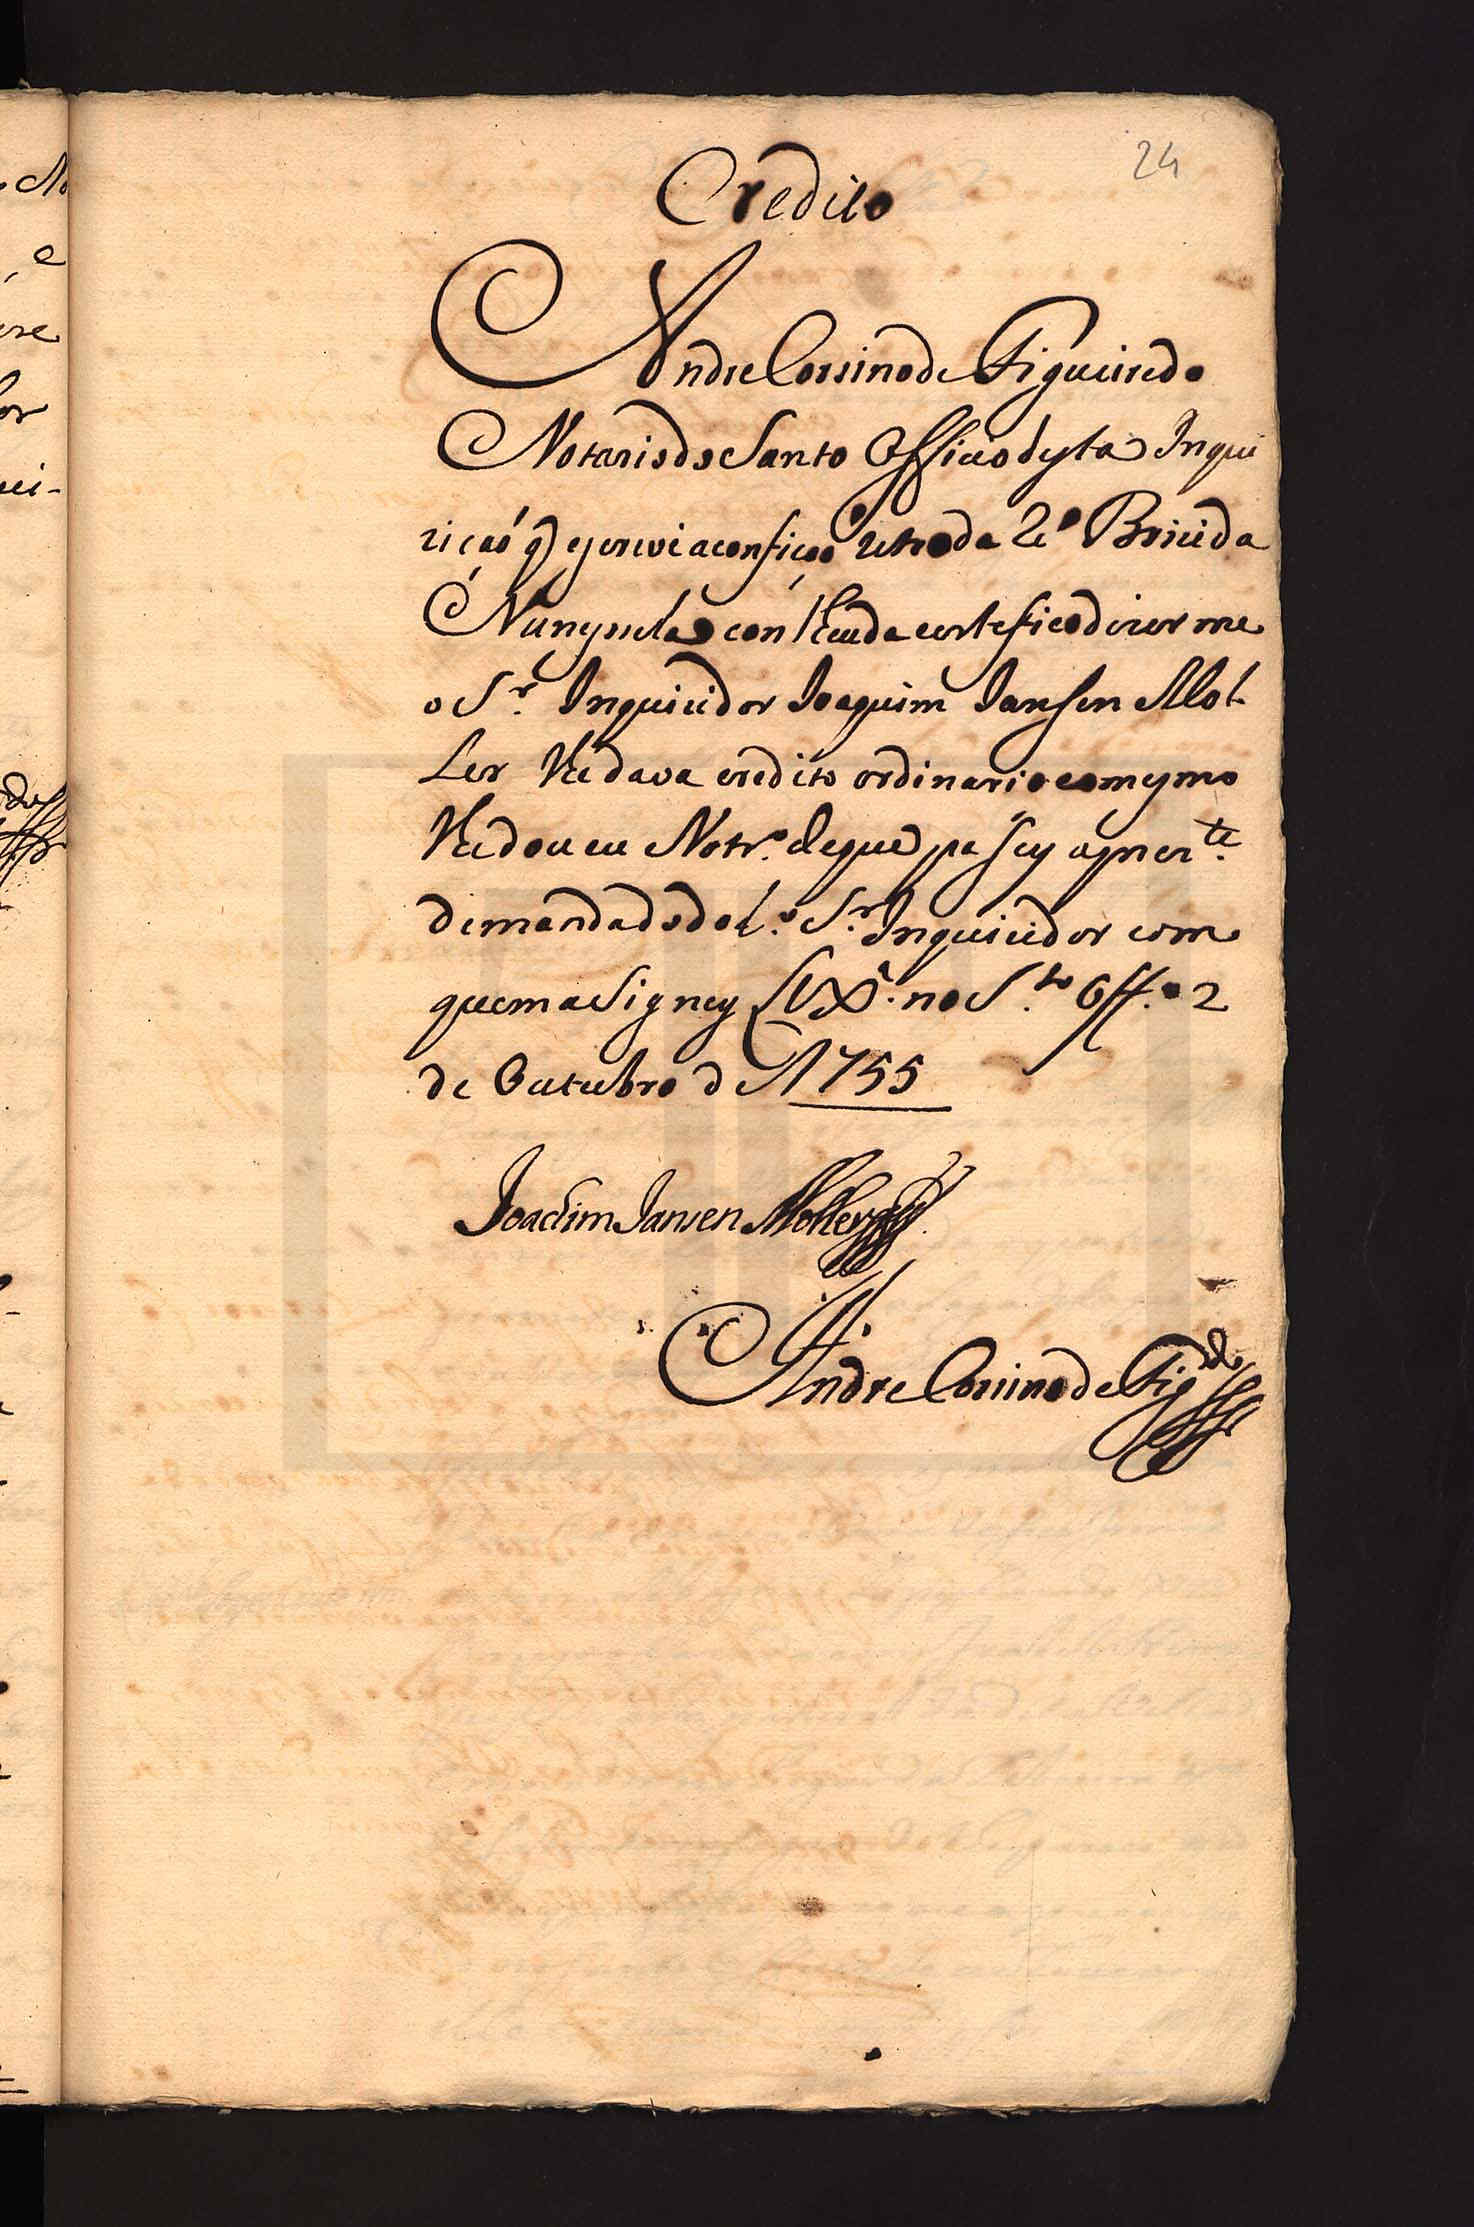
Credito
Andre Corsino de Figueiredo
Notario do Santo Officio desta Inqui
ziçaõ q̄ escreve a confiçaõ retro da Ré Brizida
Nunes nela contheuda certefico dizer me
o S.r Inquizidor Ioaquim Iansen Mol
Ler lhe dava credito ordinario, e o mesmo
lhe dou eu Notr.o de que pasey a prez.te
de mandado do d.o S.r Inquizidor com
quem asigney Lix.a no S.to Off.o 2
de Outubro de 1755
Ioachim Iansen Moller
Andre Corisno de Fig.do
